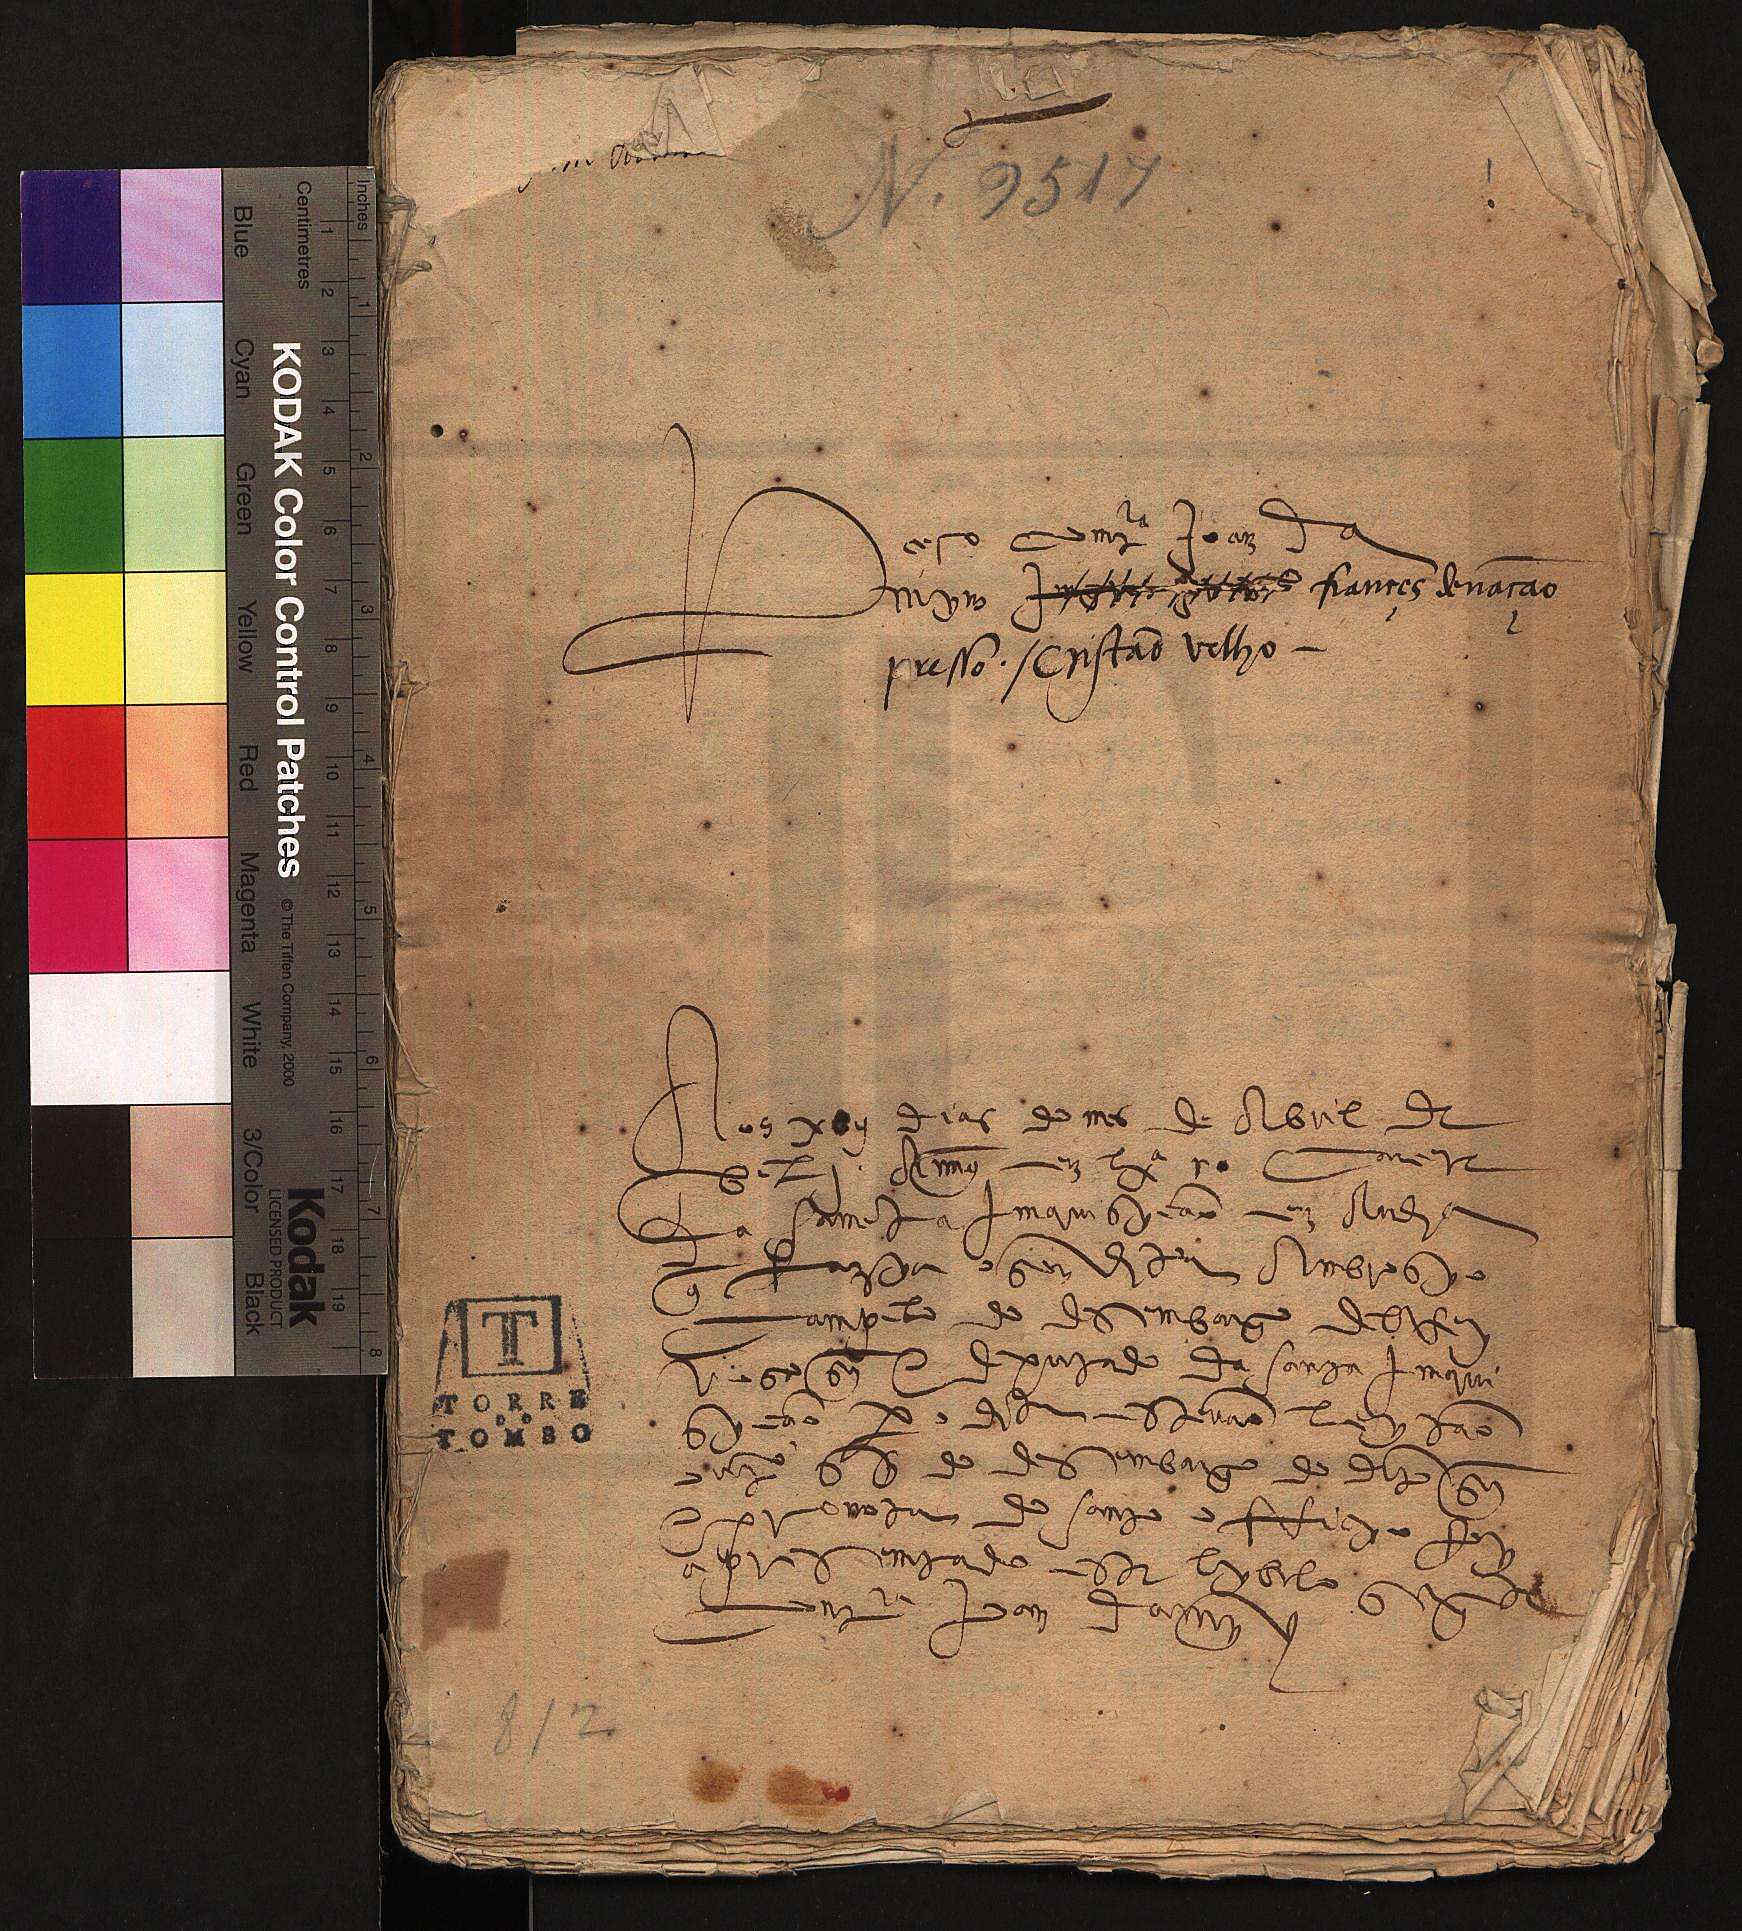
Pceso Comtra Joam da
mym Jmgres _ frances de nação
presso. / cristão velho
Aos xbij dias do mes de Abril de
j̄bcLj An̄nꝯ em Lxa no Carcere
da samcta Jmquisyção em Audja
q̄ fazya o s̄or djtor Ambrosyo
Campelo do desembargo del Rey
Noso s̄or e deputado da santa Jmqui
syção ꝑ o djtor esteuão Leytão
outrosy do desembago do dīto s̄or
e promotor do santo officyo foy
apresemtado este lybelo seḡte
Contra Joam damȳ
